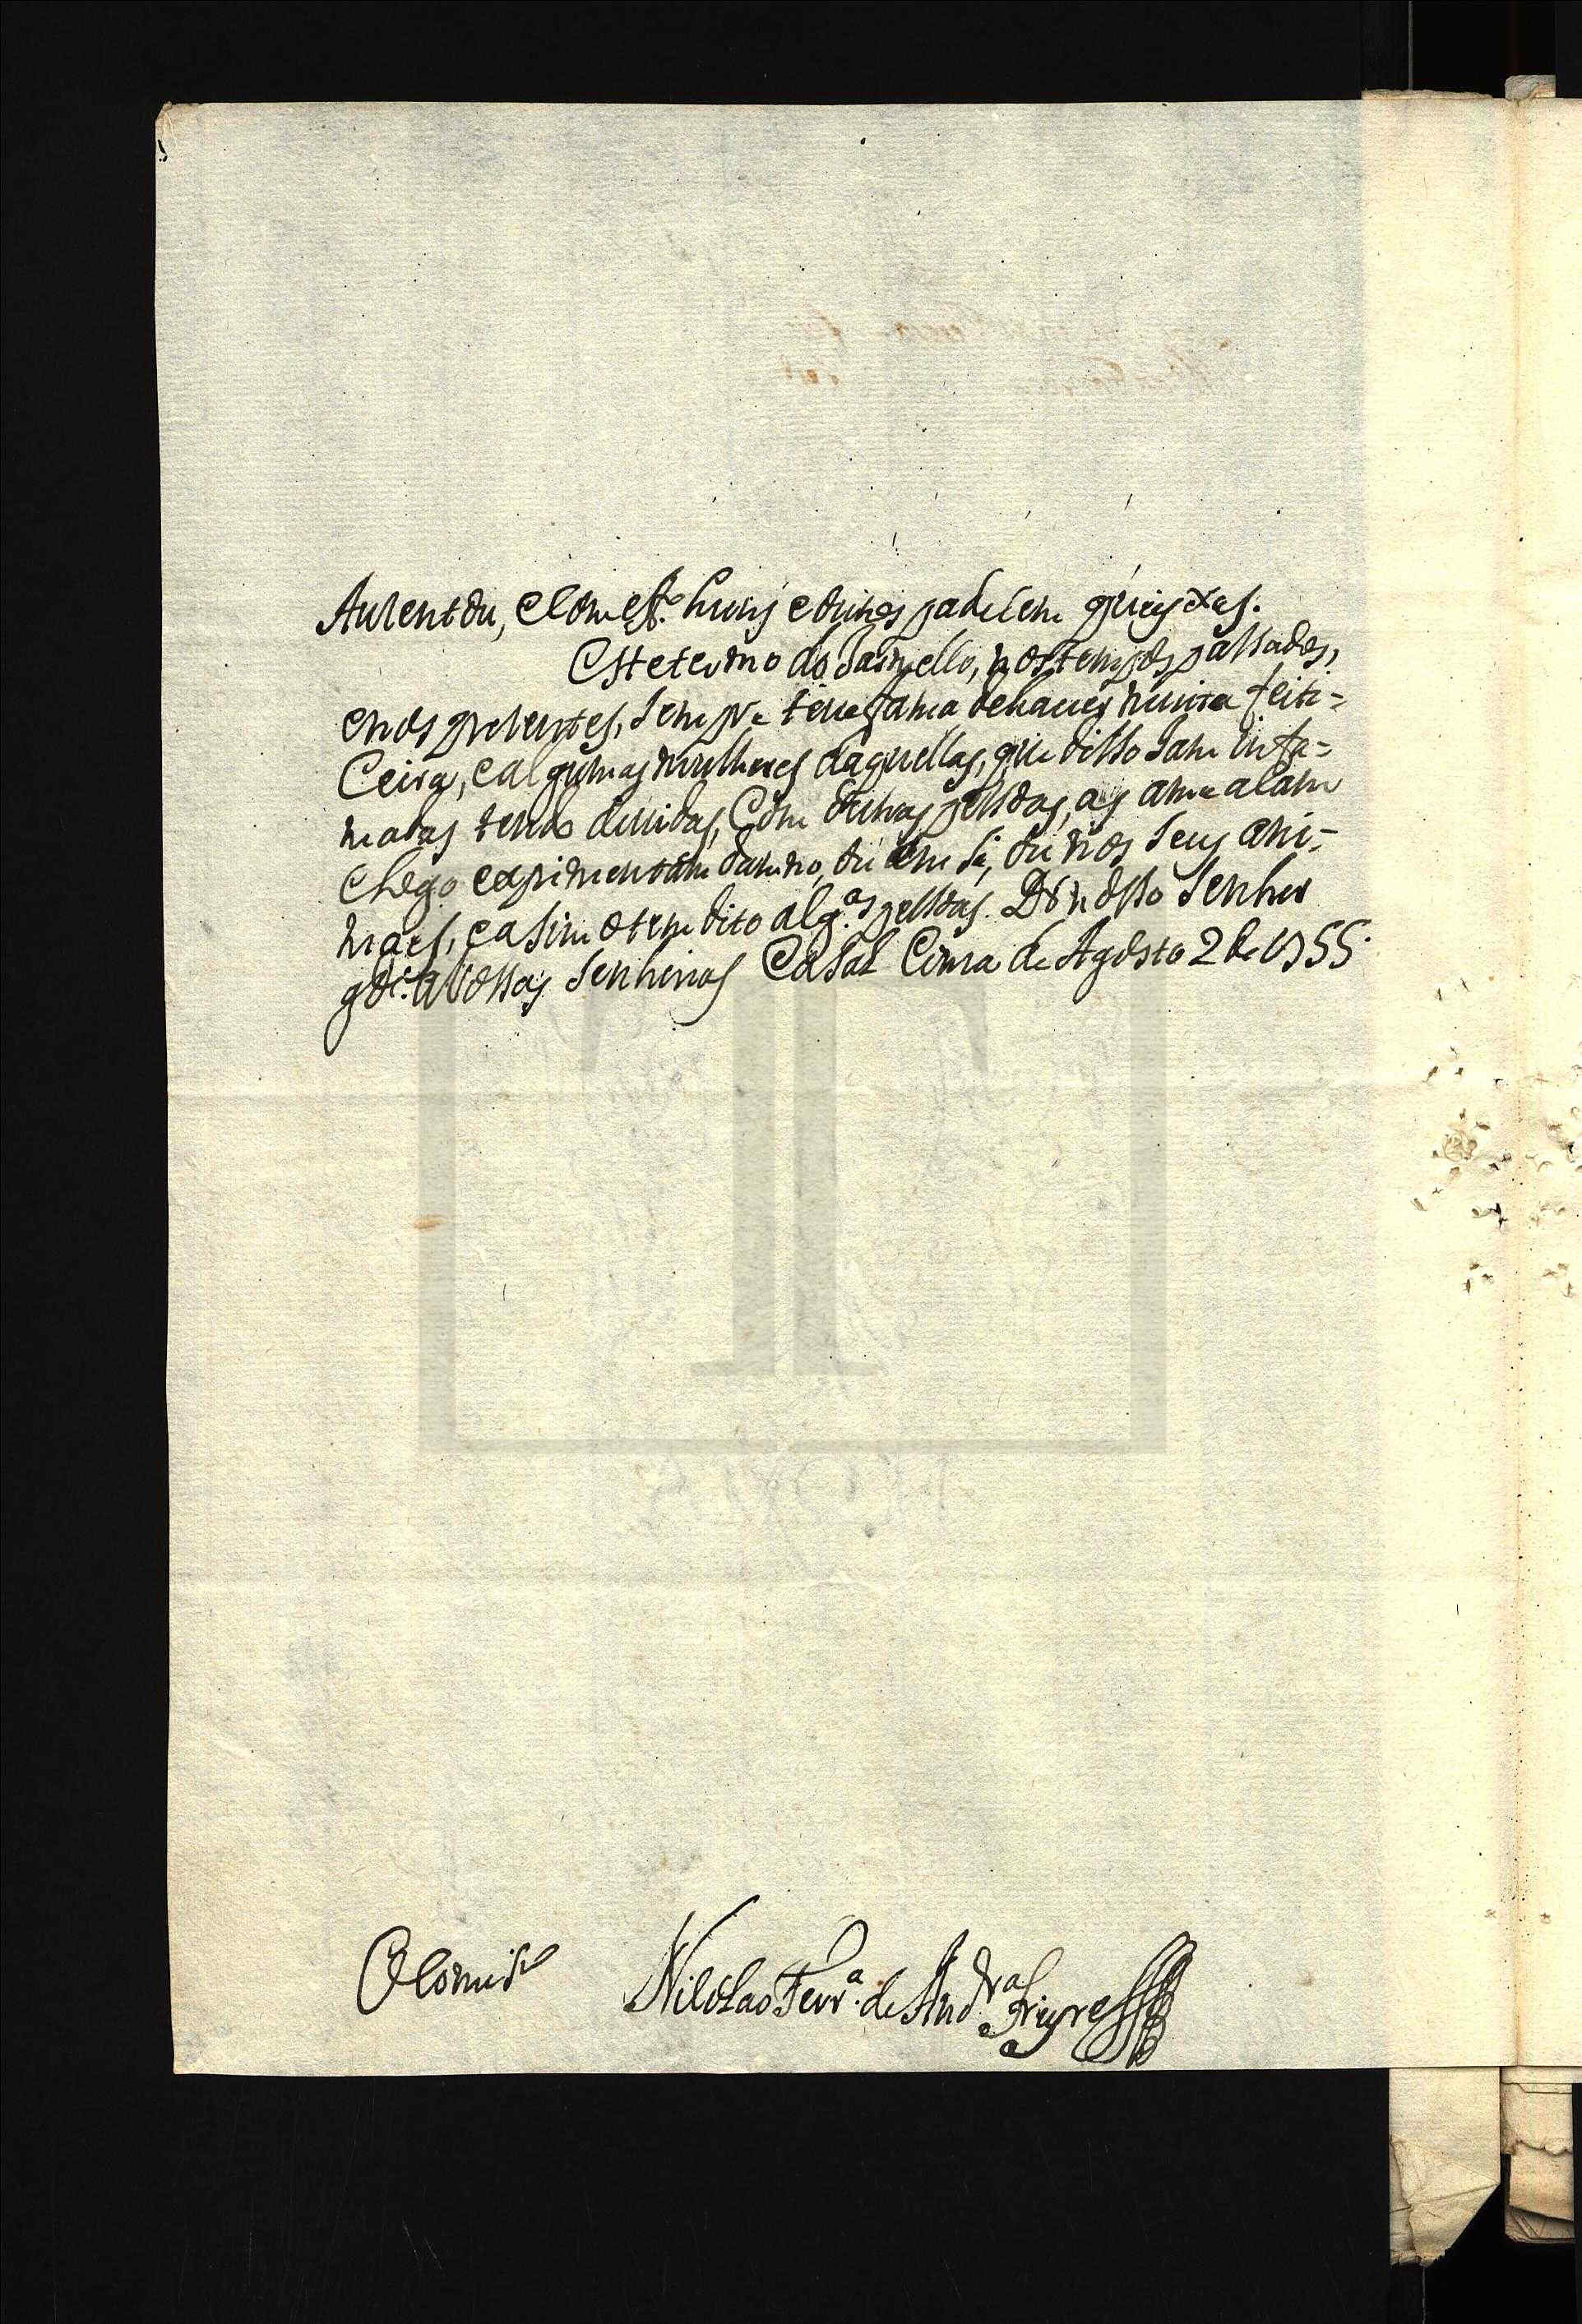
Auzentou, e com eff.o huns e outros padeCem quejxas.
Este termo do Iarmello, nos tempos passados,
e nos presentes, sempre teue fama de hauer muita feiti
Ceira, e algumas mulheres daquellas, que disso sam infa
madas tendo diuidas, Com outras pessoas, as ameaCam
e Logo exprimentam damno, ou em si, ou nos seus ani
maes, e asim o tem dito alg.as pessoas. Ds nosso Senhor
gde. a Vossas Senhorias CasaL Cinza de Agosto 2 de 1755.
O Comisro
